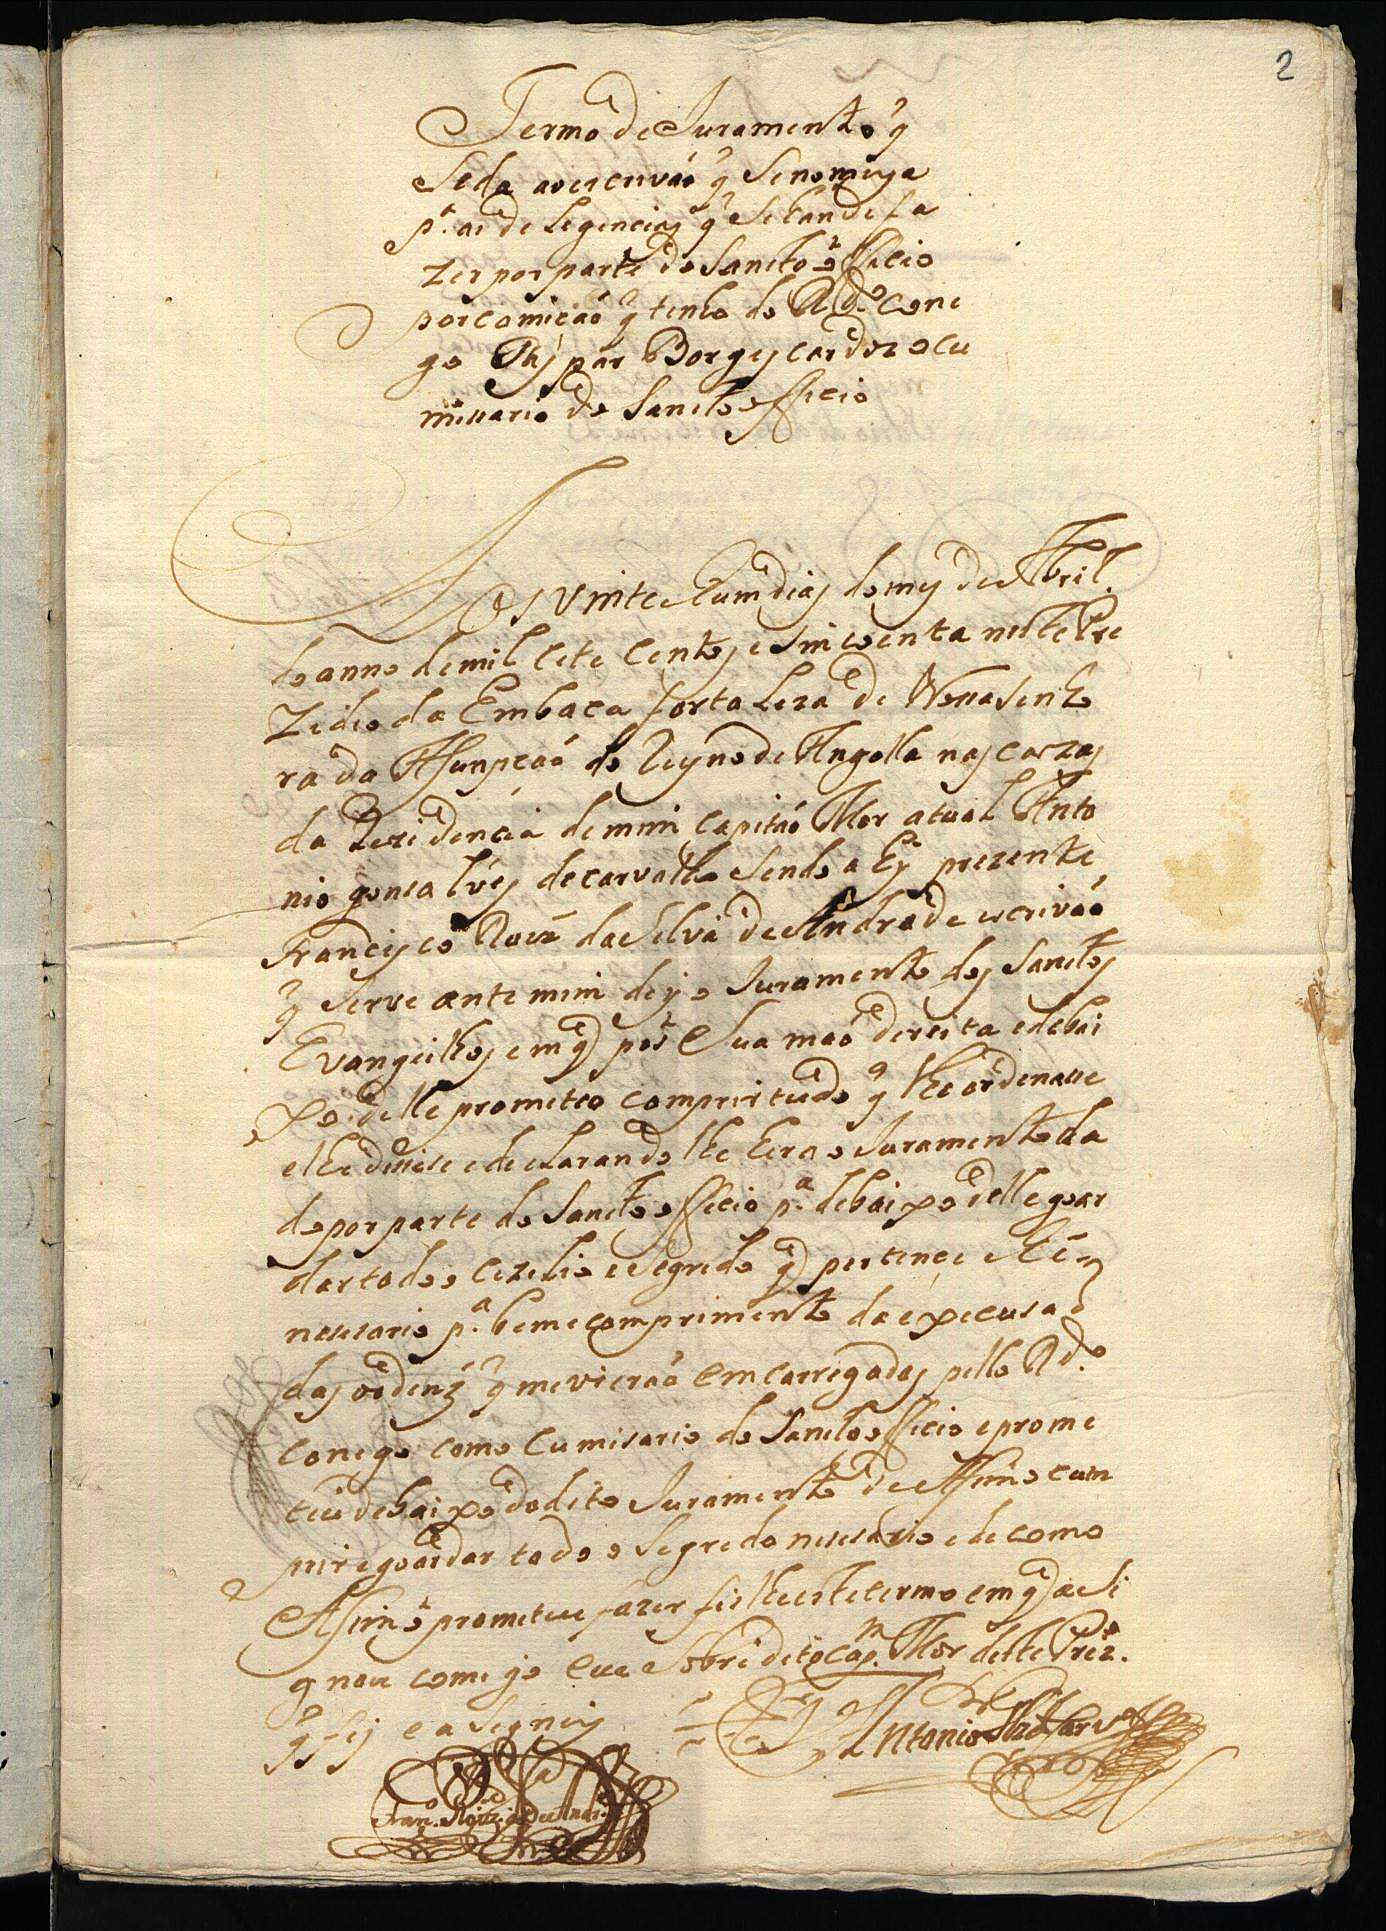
Termo de Iuramento q̄
Se da ao escrivaõ q̄ Se nomeya
p.a as deligencias q̄ Se han de fa
zer por parte do Sancto officio
por comiçaõ q̄ tenho do Rd.o cone
go Gaspar Borges cardozo cu
missario do Sancto officio
Aos vinte e hum dias do mes de Abril
do anno de mil setecentos e sincoenta neste Pre
Zidio da Embaca fortaLeza de Nossa Senho
ra da Asunpçaõ do Reyno de Angolla nas cazas
da Rezidencia de mim capitaõ Mor atual Anto
nio gonsalves de carvalho Sendo ahy prezente
Francisco Roiz̄ da Silva de Andrade escrivaõ
q̄ serve ante mim dey o Iuramento dos Sanctos
Evangeilhos em q̄ pos Sua maõ direita e debai
xo delle prometeo comprir tudo q̄ lhe ordenasse
e lhe dissese e declarando lhe hera o Iuramento da
do por parte do Sancto officio p.a debaixo delle goar
dar todo o cezilio e Segredo q̄ pertence e hé
nesesario p.a bem e comprimento da execusaõ
das ordenz̄ q̄ me vieraõ emcarregadas pello Rd.o
Conego como Cumisario do Sancto officio e prome
teu debaixo do dito Iuramento de Asim o cum
prir e goardar todo o segredo nesesario e de como
Asim o prometeu fazer fis lhe este termo em q̄ aSi
gnou comigo eu o Sobredito cap.m Mor deste Prez.o
q̄ fis e asigney
Antonio Glz d̄ Carvo
Fran.Co Roiz de Andr.e
